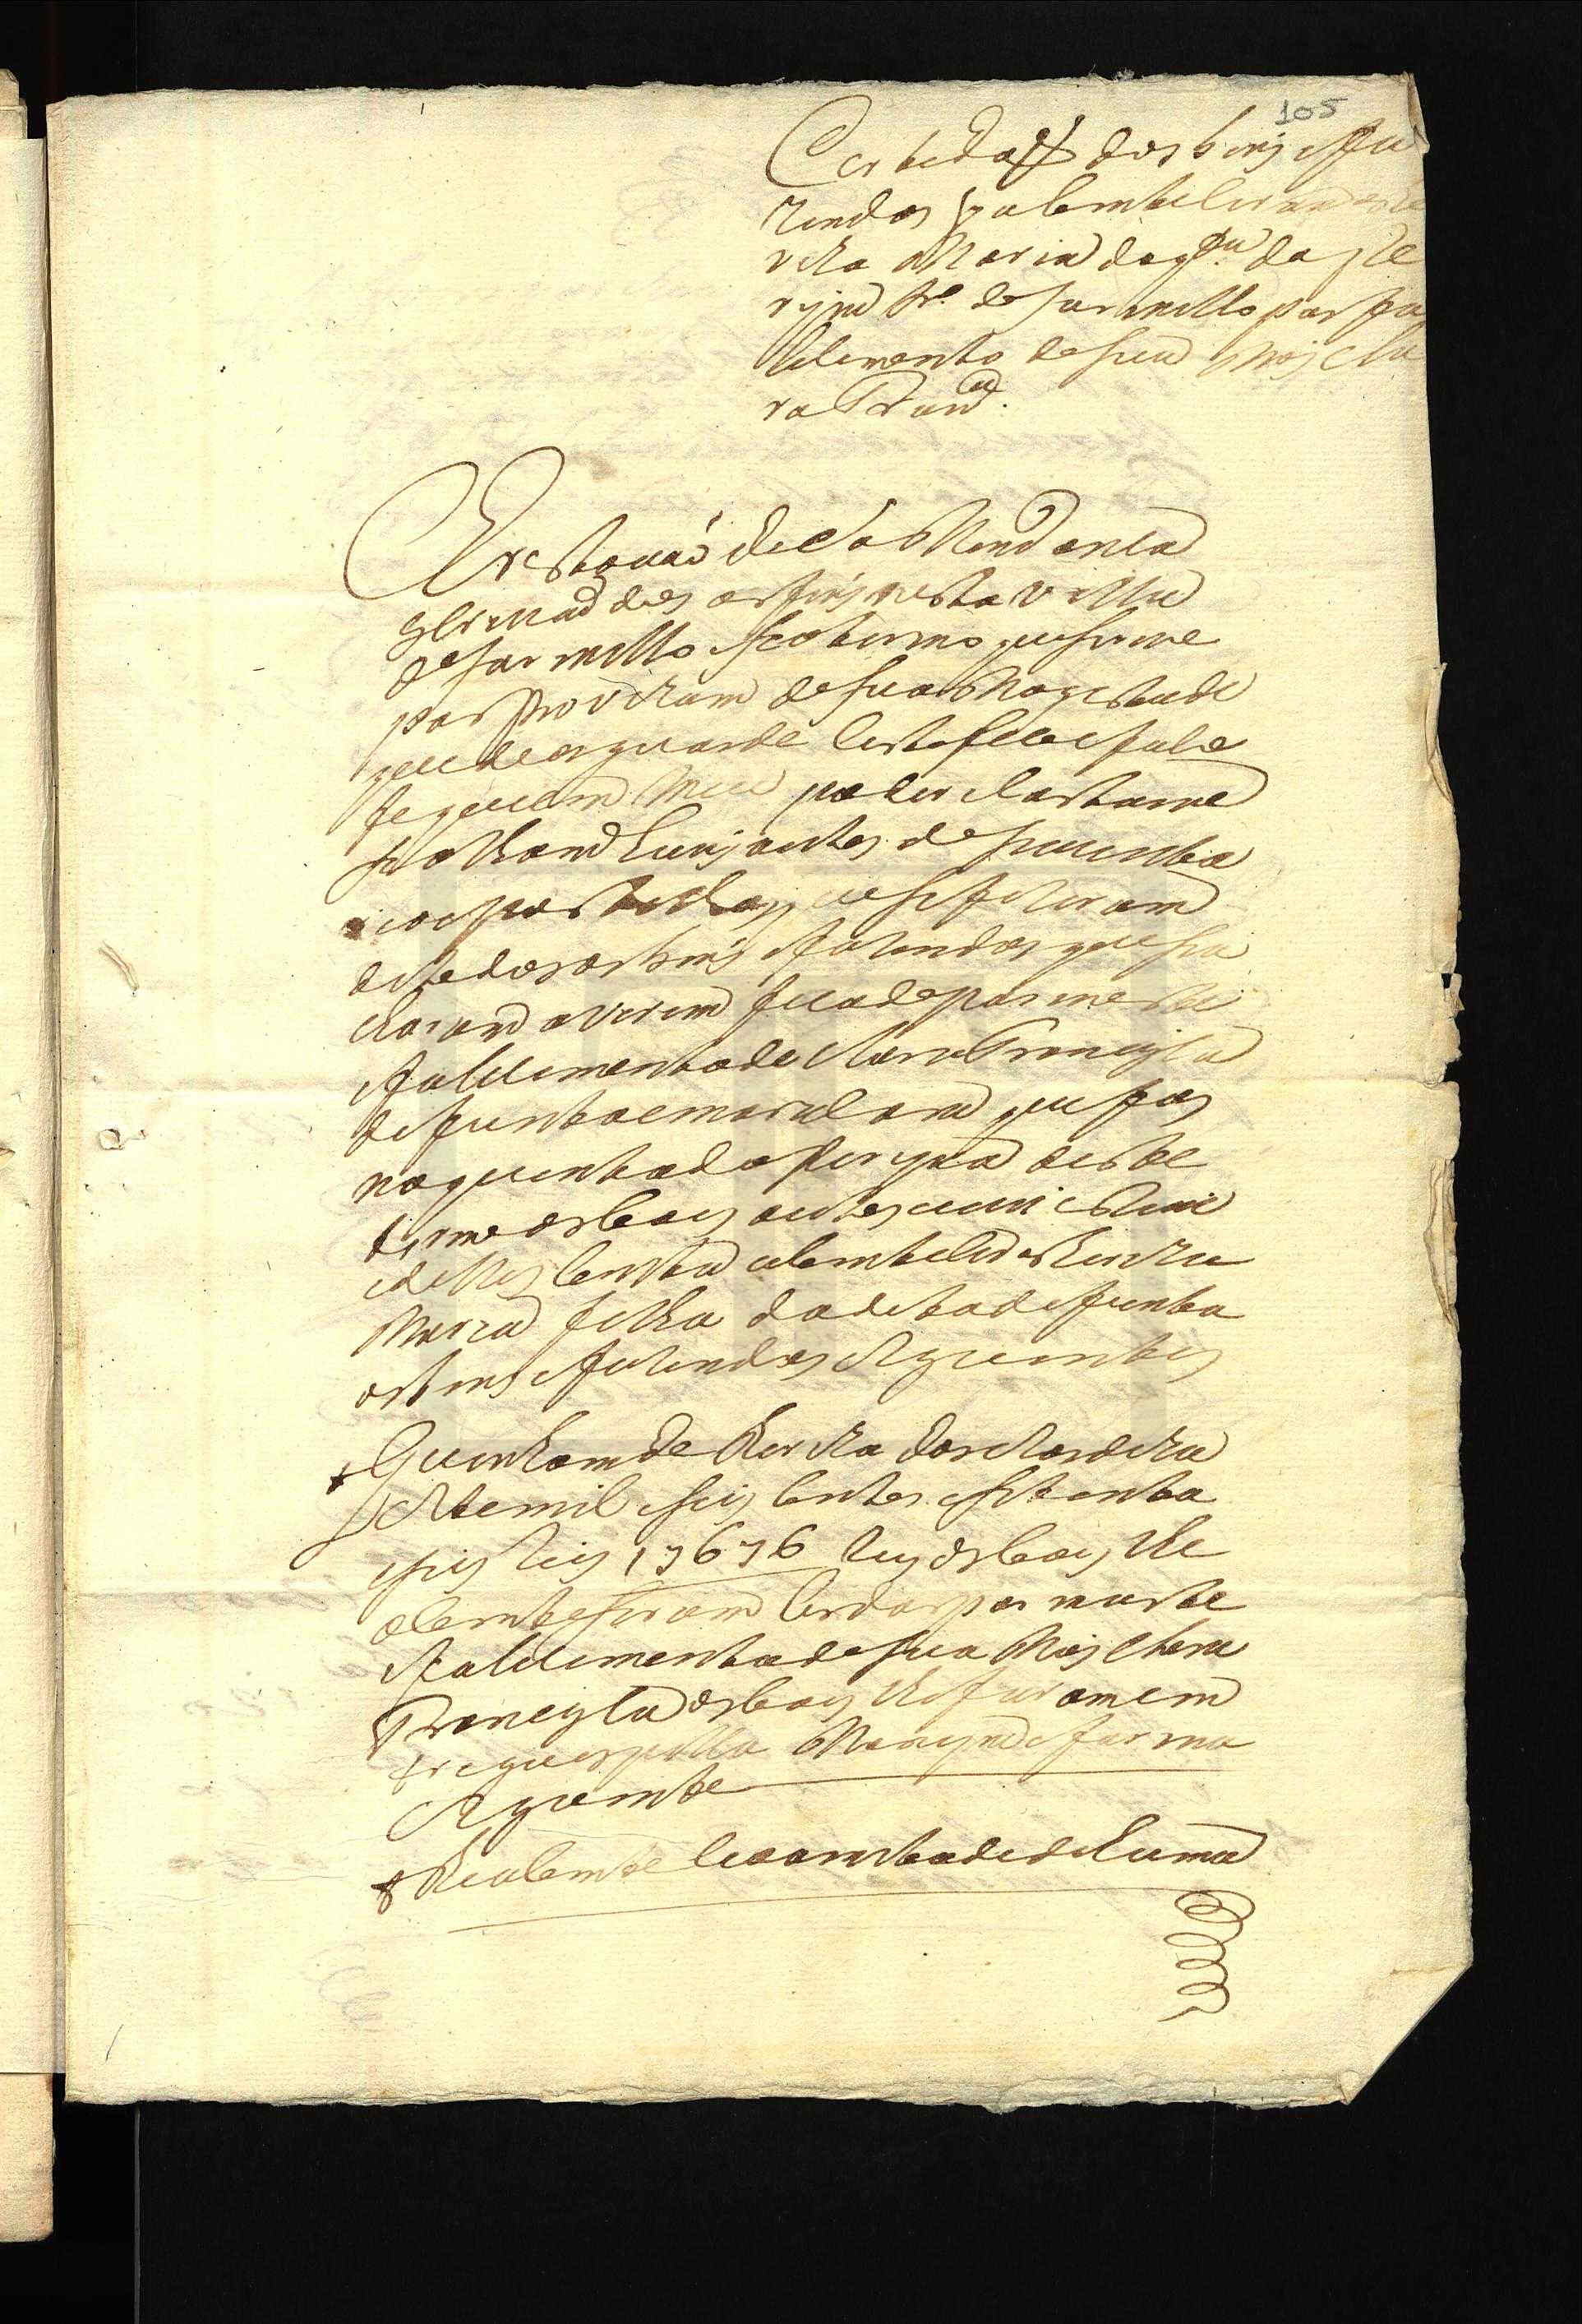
Certidaõ dos bens e fa
Zendas q̄ aComteCeram a the
reZa Maria da q.ta da pre
reyra tr.o do Jarmello por fa
leCemento de sua maj cla
ra Fran.ca
Chrestouaõ de Sa Mendonca
escriuaõ dos orfons nesta villa
de Jarmello e seo termo que serue
por provizam de sua Magestade
que deos guarde Certefico e faco
fe que em meu poder e Cartorio
se acham huns autos de Jnuenta
rio e pertilhas que se fizeram
de todos os bens e fazendas que se a
charam averem ficado por morte
e falecimento de clara Francisca
defunta e moradora que foj
na quinta da pereyra deste
termo os Coaes autos eu ui e Reui
e delles Consta aComteCer a thereZa
Maria filha da dita defunta
os bens e fazendas seguintes
Quinham de thereZa dos seos deZa
sete mil e seisCentos e setenta
e seis Reis 17676 Reis os Coais lhe
aComteseram herdar por morte
e falecimento de sua Maj Clara
FrancisCa os Coais lhe foram em
tregues pella Manejra e forma
seguinte
item lhe aComteCeo a ametade de huma
